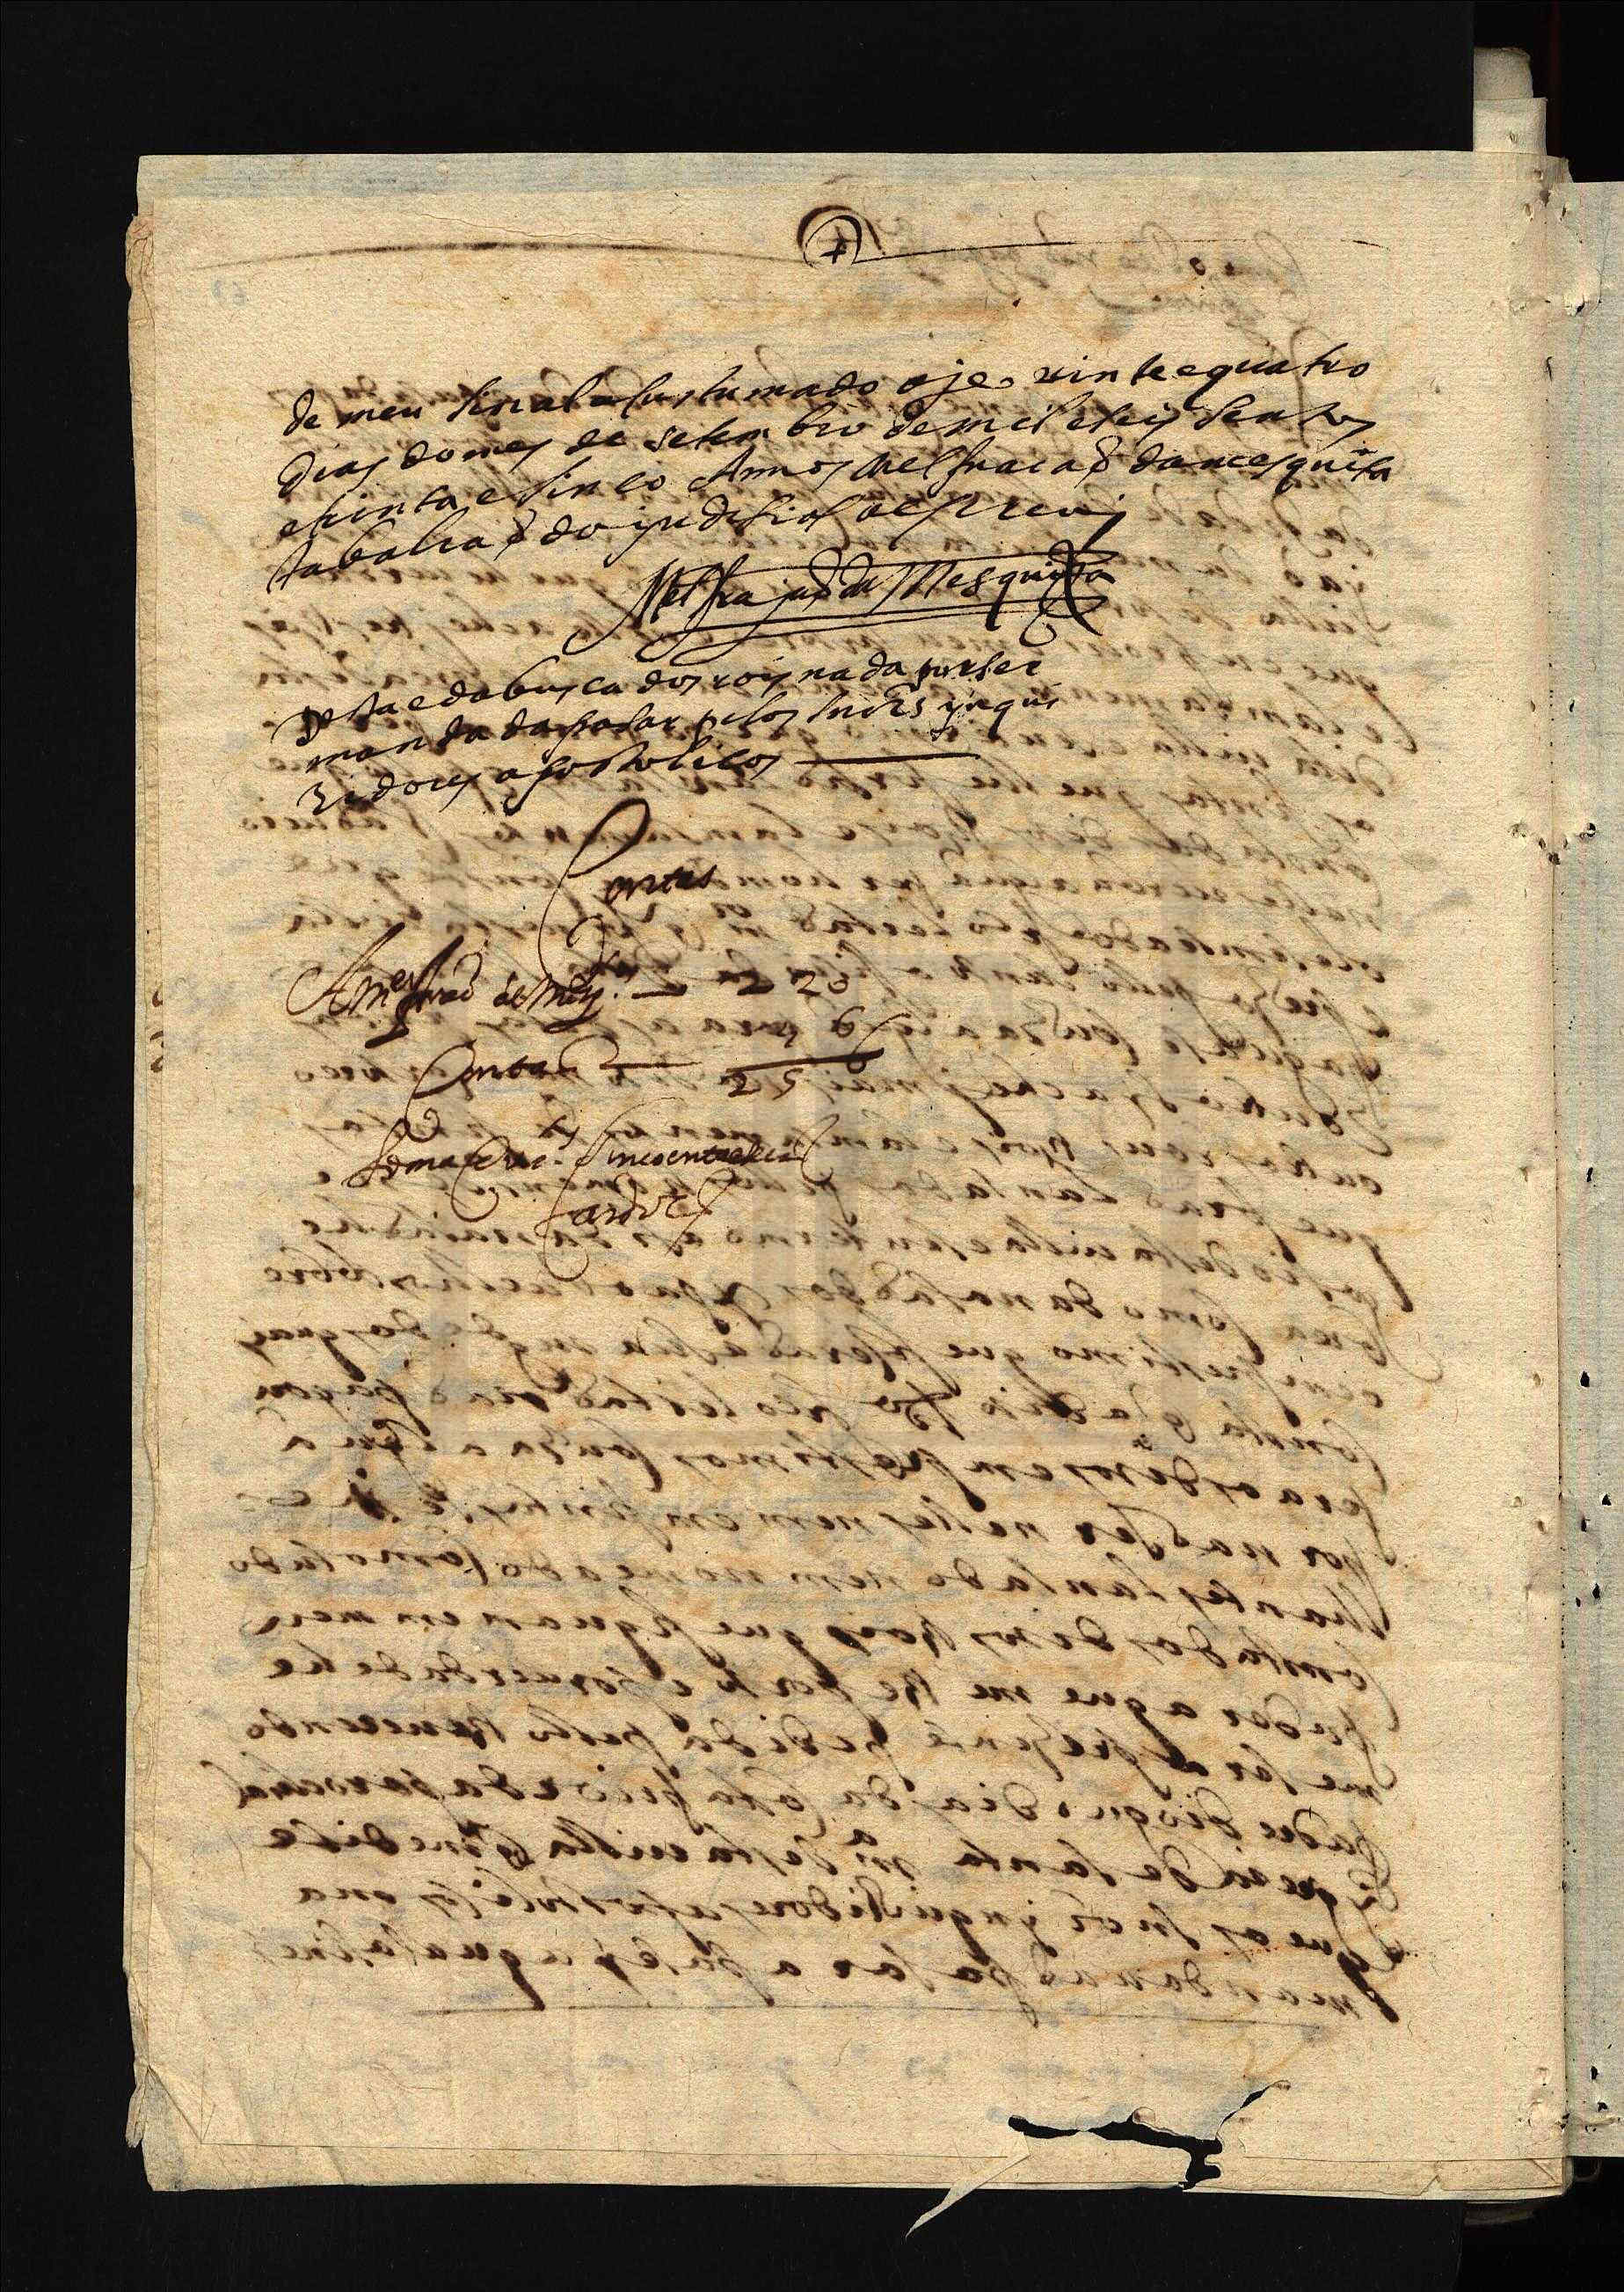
de meu sinal aCustumado oje uinte e quatro
dias do mes de setembro de mil e seissentos
e trinta e sinco Annos Mel fraiaõ da mesquita
tabaliaõ do yudisial o escreuj
Desta e da busca dos rois nada por ser
mandada pasar pelos snor̄s ynqui
zidores apostolicos
Contas
A mel fraiaõ de mesqta.
220
Conta
36
256
Soma duztos sincoenta e seis
